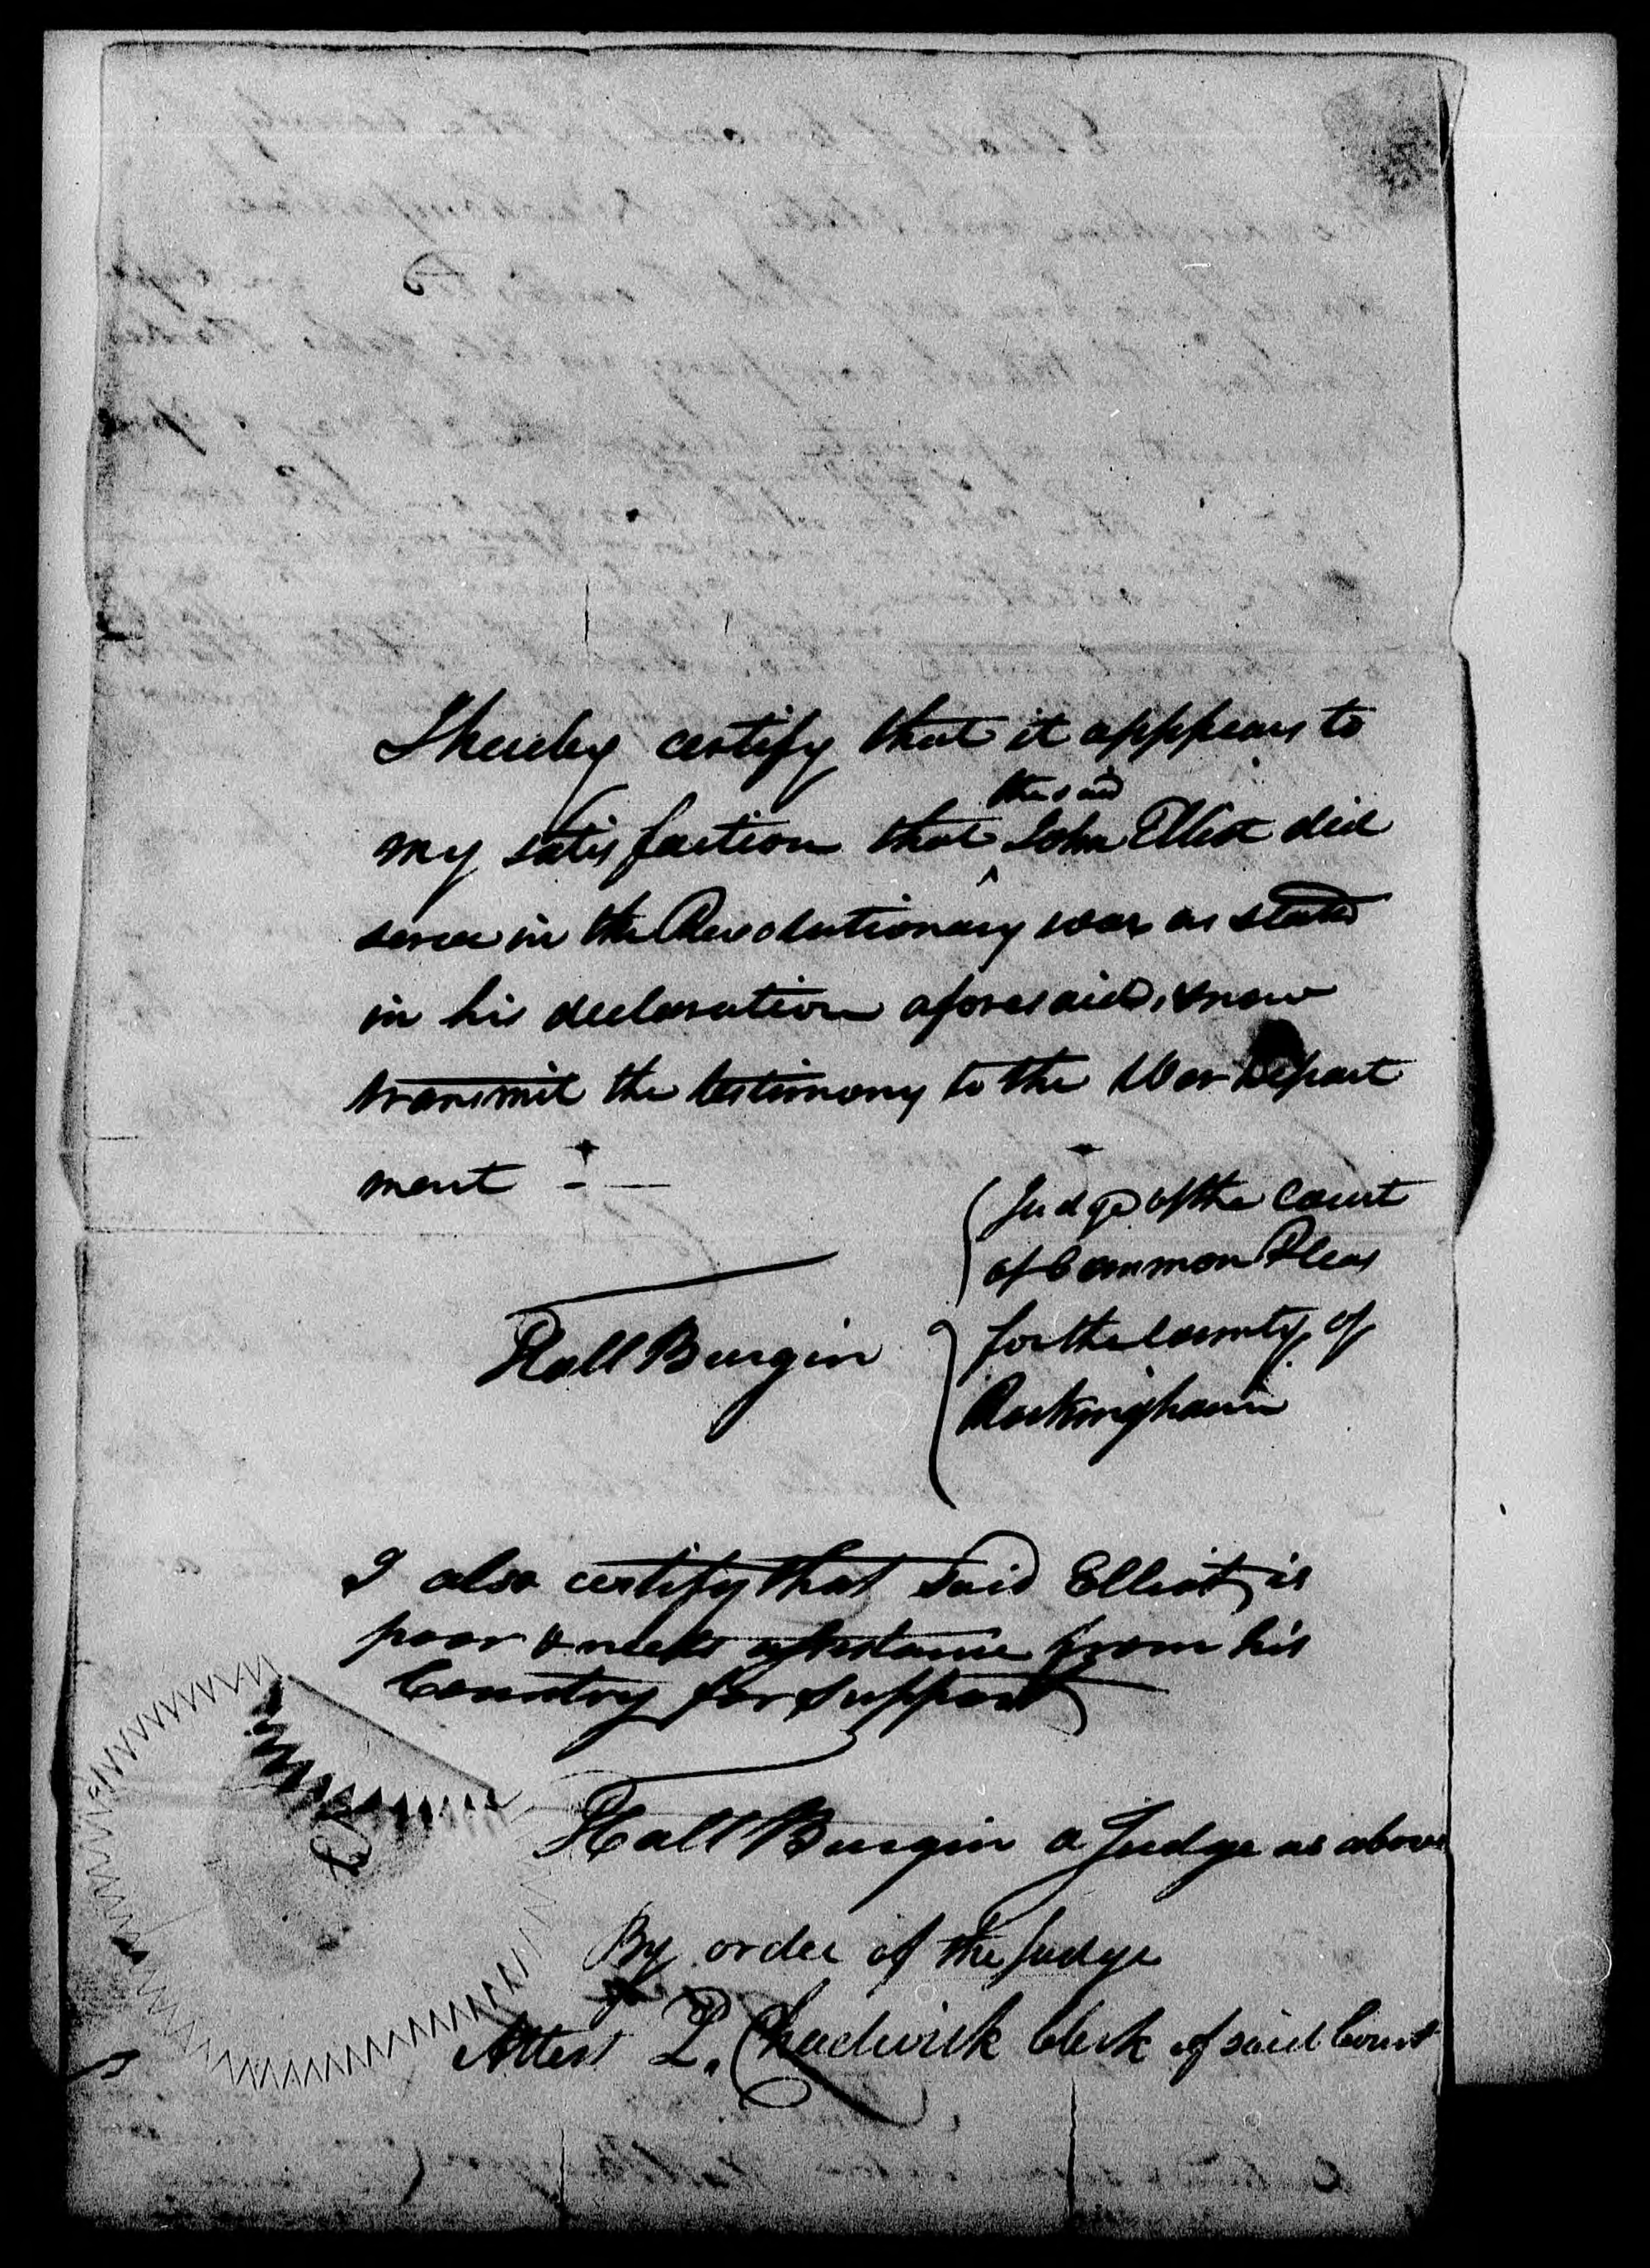I hereby certify that it appears to
my satisfaction that [illegible] John Ellis did
serve in the Revolutionary war as stated
in his declaration aforesaid now
transmit the testimony to the War Department
Judge of the Court
of Common Pleas
for the County of
Rockingham
Hall Burgin
I also certify that said Elliot is
poor & needs [illegible testame] from his
Country for support
Hall Burgin a Judge as above
By order of the Judge
Attest L. Chadwick Clerk of said Court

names: L Chadwick, Hall Burgin, Elliot, Hall Burgin, John Elliot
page: 6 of 57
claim: widow's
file: W. 16,114, John Elliot, Continental (Mass) N.H.